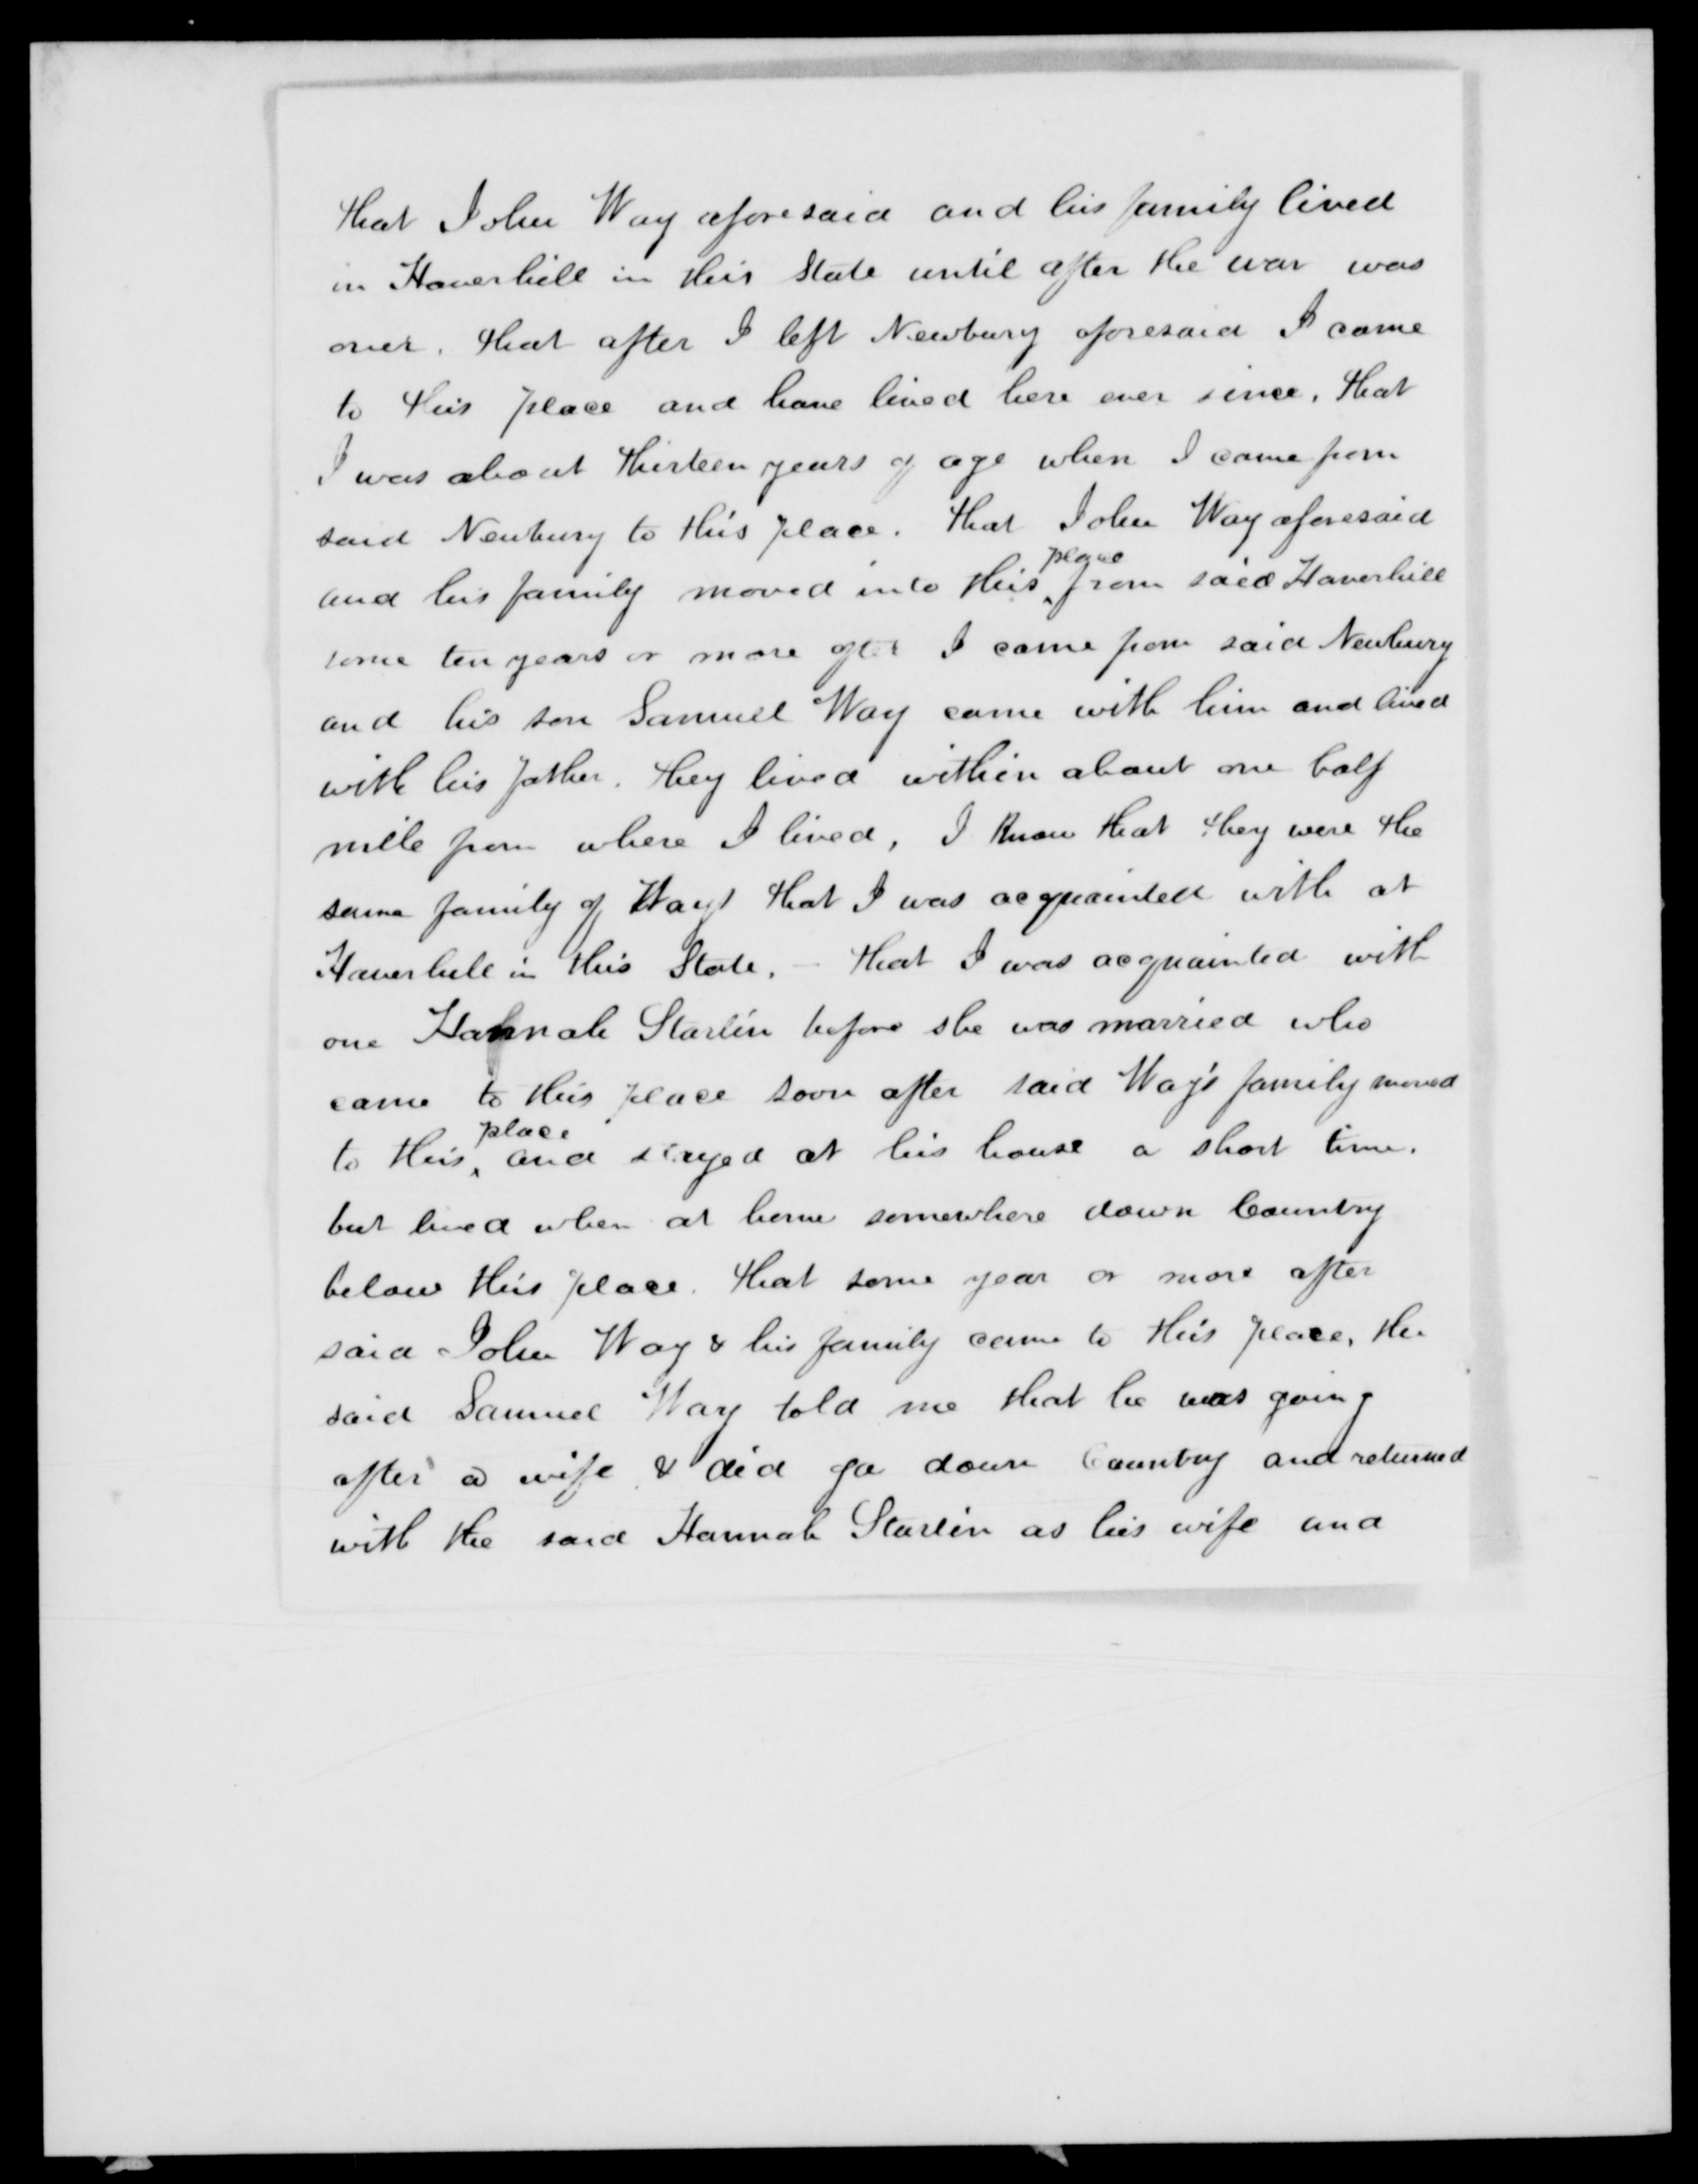that John Way aforesaid and his family lived in
Haverhill in this State until after the war was
over, that after I left Newbury aforesaid I came to
this place and have lived here ever since. That
I was about thirteen years of age when I came from
said Newbury to this place. that John Way aforesaid
and his family moved into this place from said Haverhill
some ten years or more after I came from said Newbury
and his son Samuel Way came with him and lived
with his father, they lived within about one half
will from where I lived, I know that they were the same
family of Ways that I was acquainted with at
Haverhill in this State. that I was acquainted with
one Hannah Starlin before she was married who
came to this place soon after said Way's family moved to
this place and stayed at his house a short time
but lived when at home somewhere down Country
below this place. that some year or more after
said John Way & his family come to this place, the
said Samuel Way told me that he was going
after a wife & did go down country and returned
with the said Hannah Starlin as his wife and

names: John Way, Hannah Starlin, Samuel Way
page: 4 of 78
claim: widow's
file: W. 25856, Samuel Way, N.H.